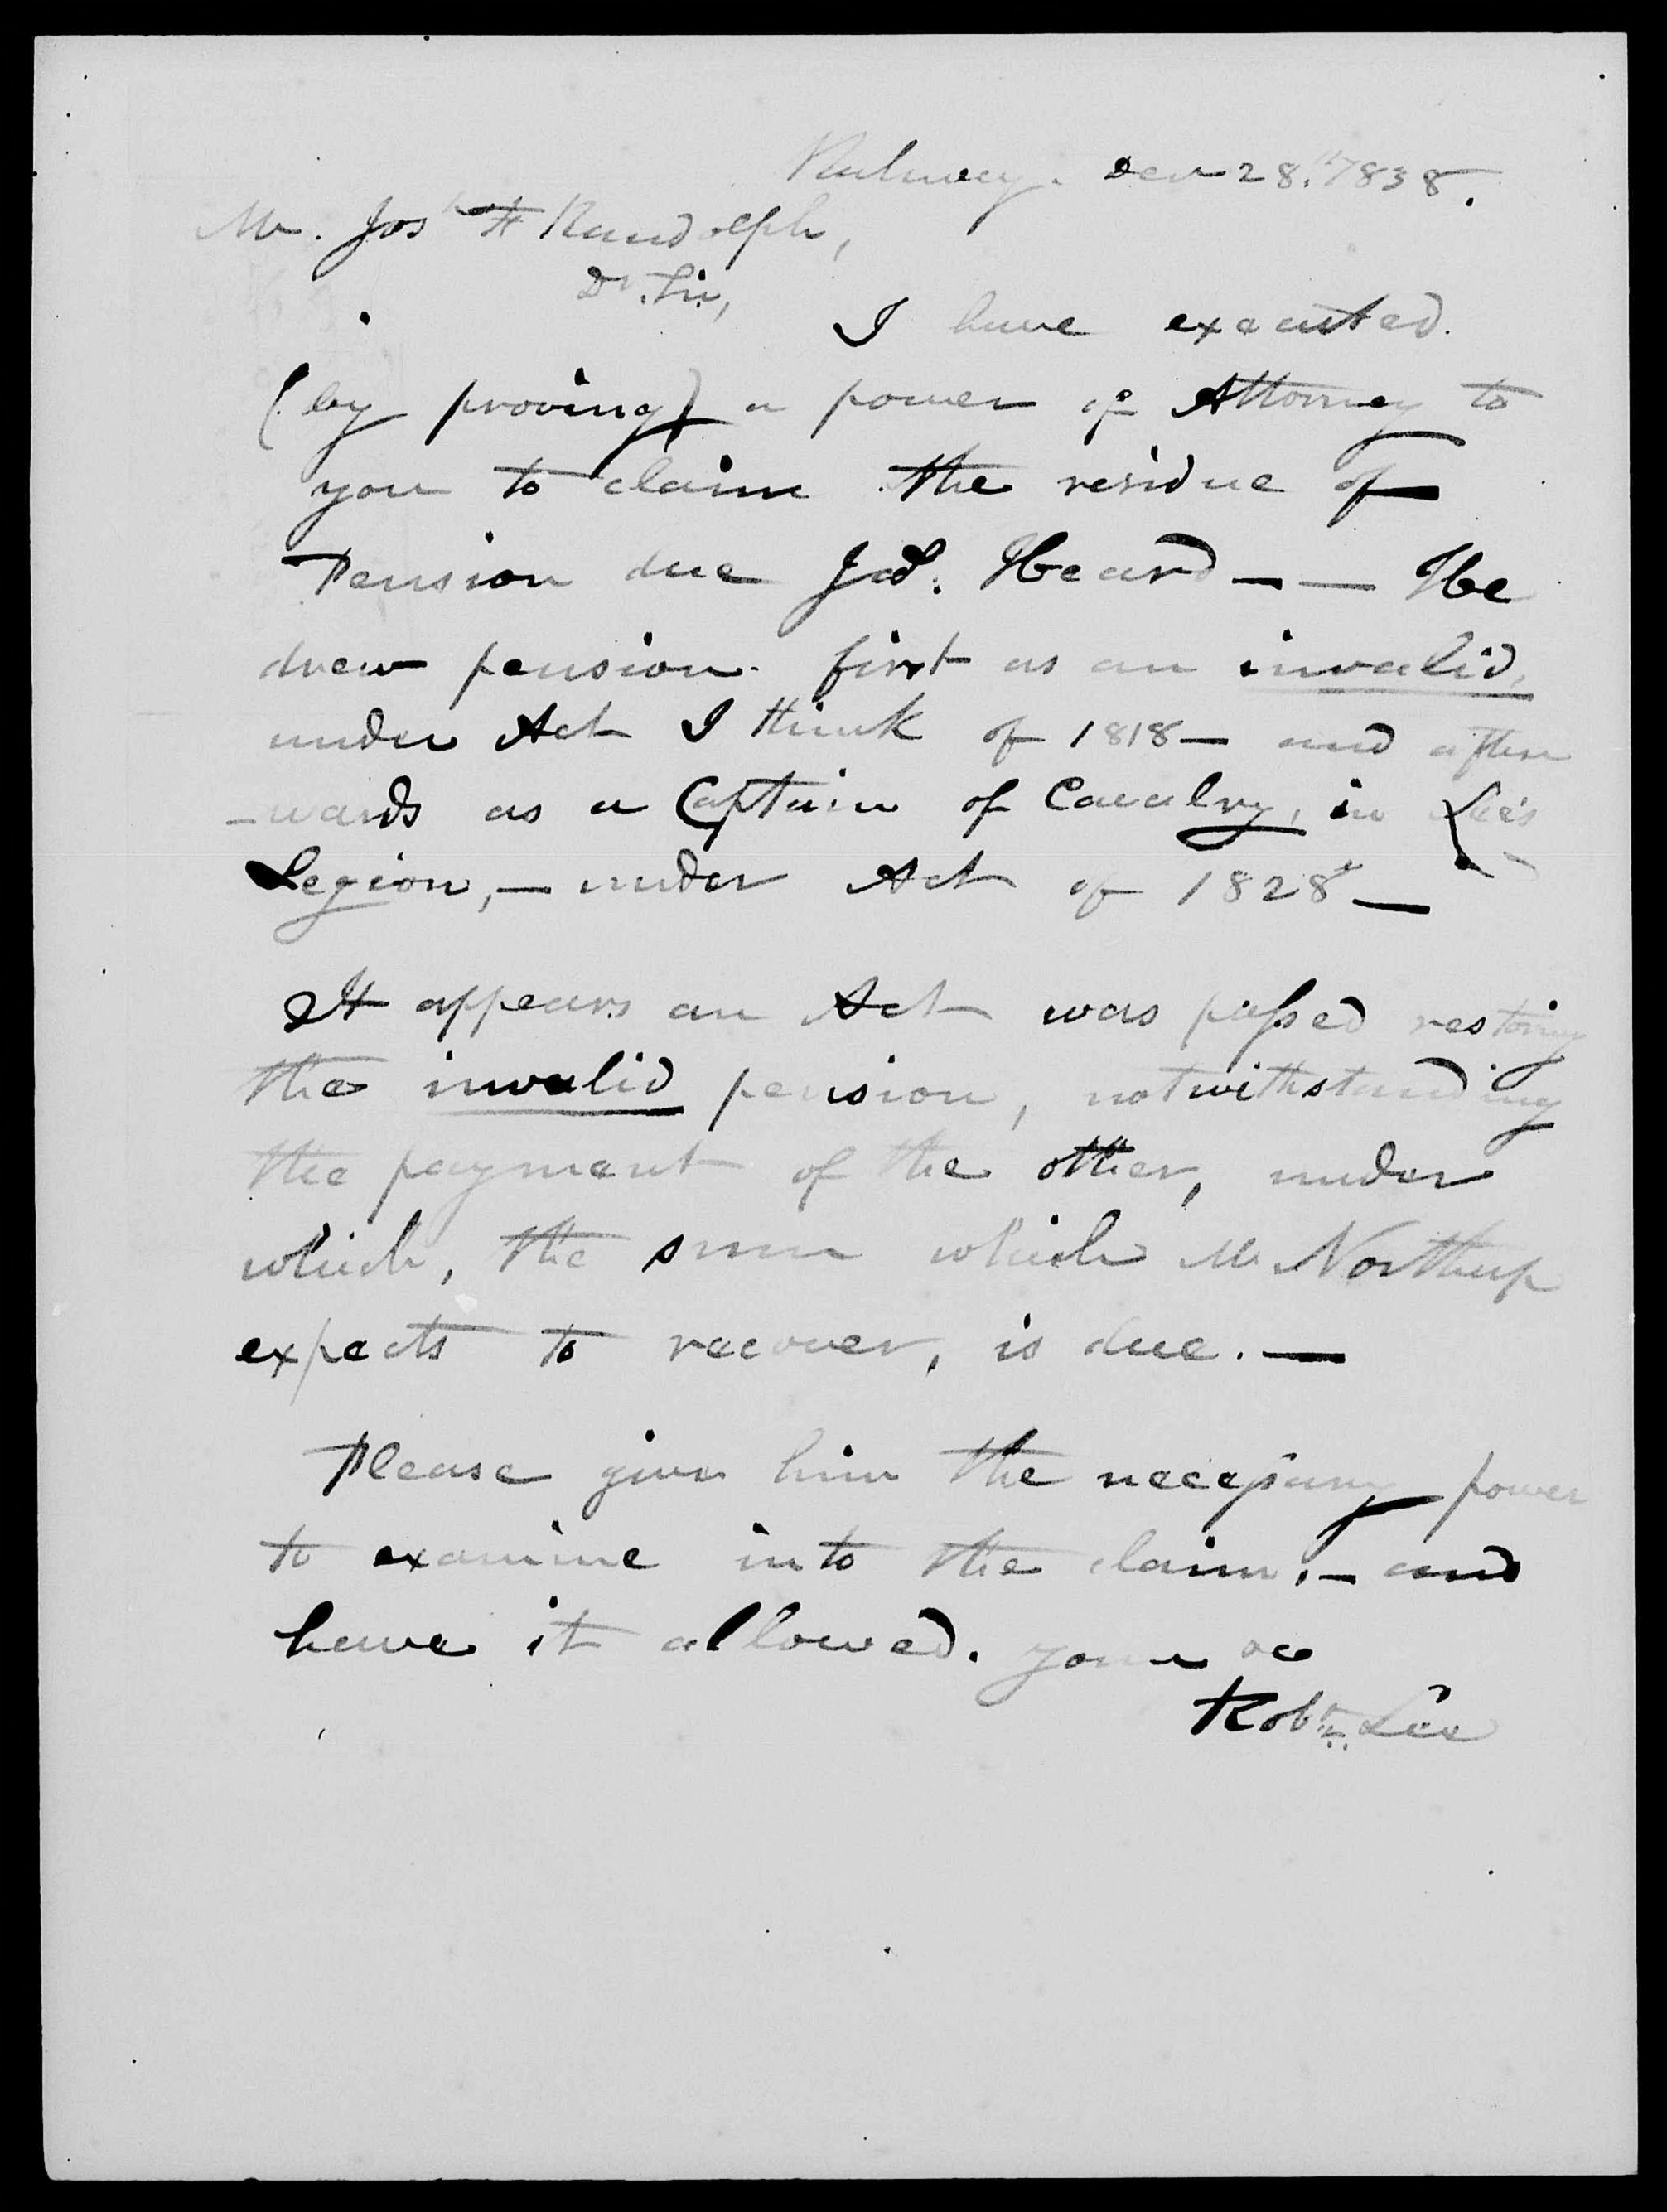Ruluncy, Dec 28 1838
Mr. Jos F Randolph,

Dr. Sir,
I have executed (by proving) a power of Attorney to you to claim the residue of
Pension due Jas Heard-- He drew pension first as an invalid under Act I think of 1818, and afterwards as a Captain of Cavalry in his
Legion, under Act of 1828-

It appears an act was passed restoring the
invalid pension, notwithstanding the payment of the other, under which the sum which Mr Northup expects to recover, is due.

Please give him the necessary power to examine into the claim, and have it allowed. yours +c
Robt Lee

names: Northup, Jas Heard, Robt Lee, Josh F Randolph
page: 53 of 62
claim: survivor's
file: S. 540, James Heard, Continental - New Jersey Residence In 1818